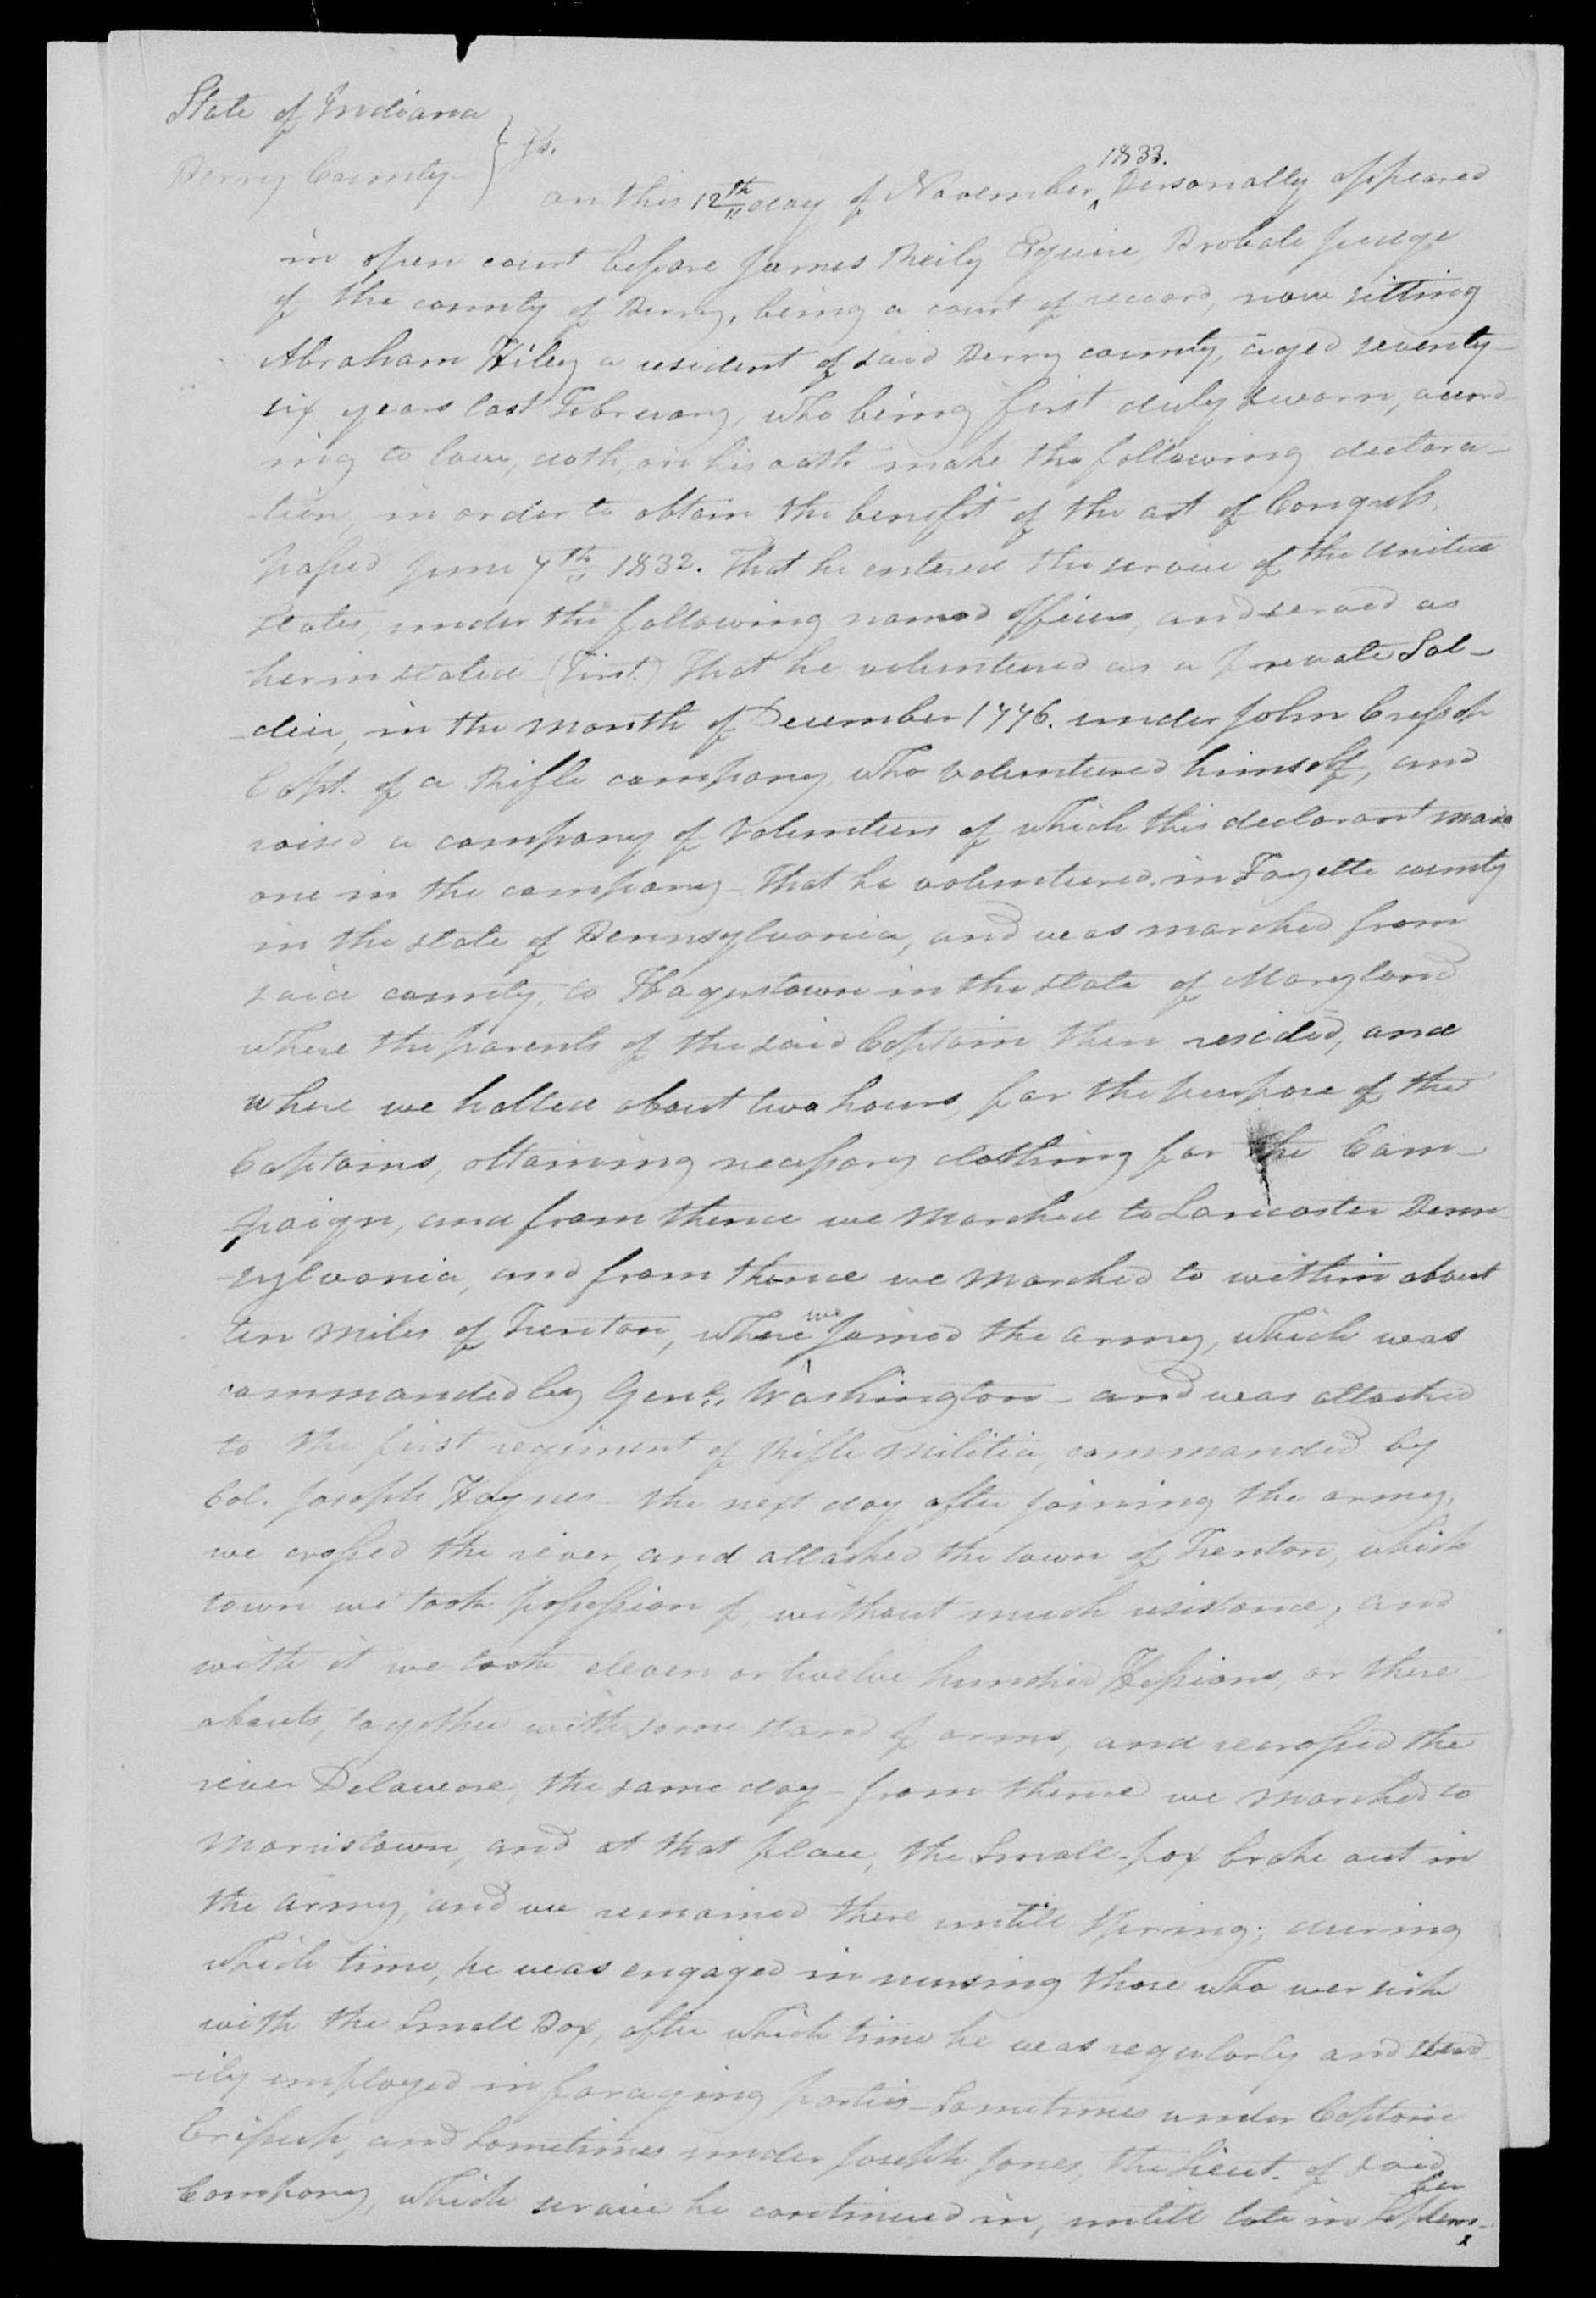State of Indiana
Derry County

On this 12th day of November 1833.  Personally appeared in open court before James Reily Esquire, Probate Judge of the county of Derry, being a court of record, now sitting Abraham Hiley resident of said Derry county, aged seventy six years last February, who being first duly sworn according to law, doth on his oath make the following declaration in order to obtain the benefit of the act of Congress dated June 9th 1832.  That he entered the service of the United States, under the following named officers and served as herein stated (Inst.)  That he volunteered as a private soldier in the month of December 1776. under John Cressop Capt. of a Rifle company who volunteered himself, and raised a company of volunteers of which this declarant was one in the company.  That he volunteered in Fayette county in the state of Pennsylvania, and was marched from Laice county to Hagerstown in the State of Maryland where the parents of the said Captain Thus resided and where we halted about two hours for the purpose of the Captain, obtaining necessary clothing for the Campaign, and from thence we marched to Lancaster Pennsylvania, and from thence we marched to within about ten miles of Trenton, where we joined the army, which was commanded by Genl. Washington and was attached to the first regiment of the rifle militia, commanded by Col. Joseph Haynes the next day after joining the army, we crossed the river and attacked the town of Trenton, which town we took possession of, without much resistance, and with it we took eleven or twelve [illegible] Hessians, or there abouts, together with some  stores of arms, and recrossed the river Delaware, the same day from thence we marched to Morristown, and at that place, the Small Pox broke out in the Army and we remained there until [illegible]; during which time, he was engaged in nursing those who were sick with the Small Pox, after which time he was regularly and wearily employed in foraging parties, sometimes under Captain Cressop, and sometimes under Joseph Jones, the Lieut. of said company, which service he continued in, until late in Septem-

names: James Reily, John Cressop, Joseph Jones, Washington, Joseph Haynes, Abraham Hiley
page: 7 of 18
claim: survivor's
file: S. 31744, Abraham Hiley, Penn.